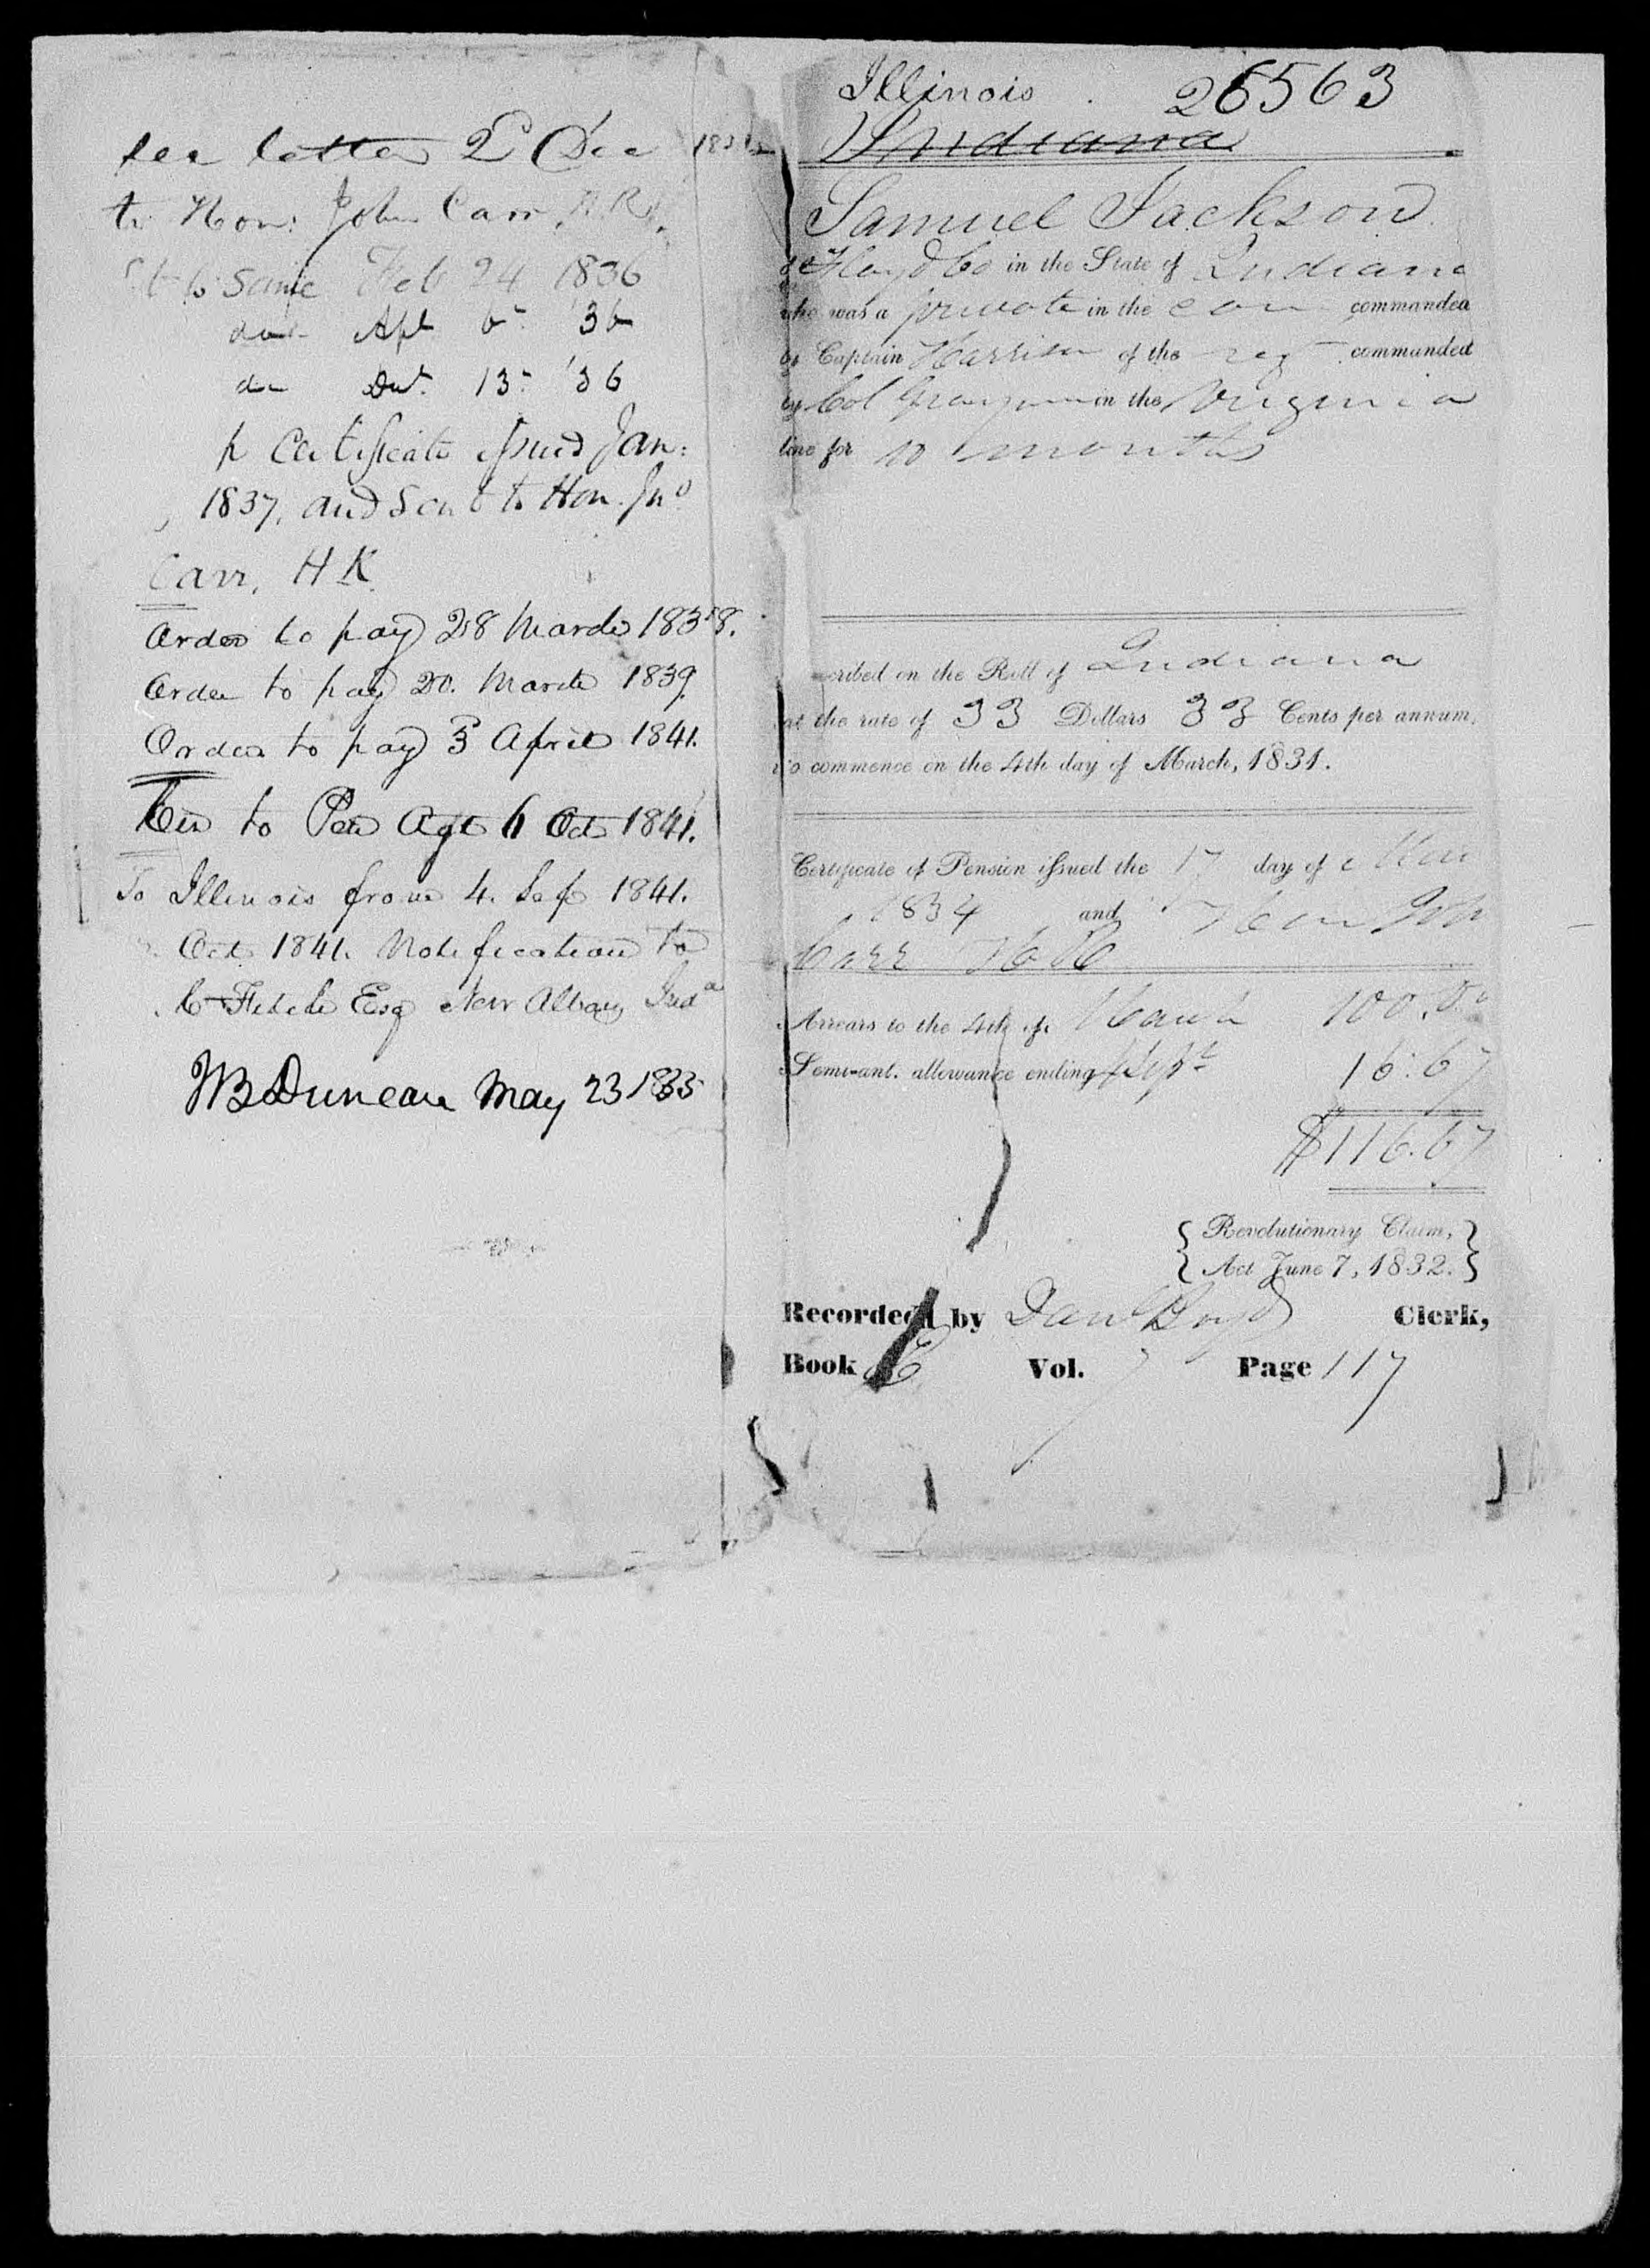see letter 2 Dec 1832
to Hon: John Carr HR
[Illegible] Same Feb 24 1836
Same Apl 6 36
Same Decr 13 36
[illegible] Certificate issued Jan.
1837 and sent to Hon Jno
Carr HR

Order to pay 28 Mar 1838.
Order to pay 20 March 1839
Order to pay 3d April 1841.
[Illegible] to Pat Agt 6 Oct 1841.
To Illinois from 4 Sep 1841.
Oct 1841. Notification to
C Fitch Esq New Albany Inda
WBDuncan May 23 1855

Illinois 26563
[Crossed out:] Indiana

Samuel Jackson
Floyd Co in the State of Indiana
who was a private in the com commanded
by Captain Harrison of the Regt commanded
Col [Illegible] in the Virginia
line for 10 months

scribed on the Roll of Indiana
at the rate of 33 Dollars 33 Cents per annum,
to commence on the 4th day of March, 1831.

Certificate of Pension issued the 17 day of Mar
1834 and [Illegible] John
Carr HR

Arrears to the 4th of March              $100.00
Semi-anl. allowance ending 4 Sept      16.67
                                                          _________
                                                          $116.67
Revolutionary Claim,
Act June 7, 1832.      ⎬
Recorded by Danl Boyd     Clerk,
Book [Illegible] Vol. [illegible] Page 117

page: 2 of 56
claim: rejected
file: R 5529, for Samuel Jackson, Virginia